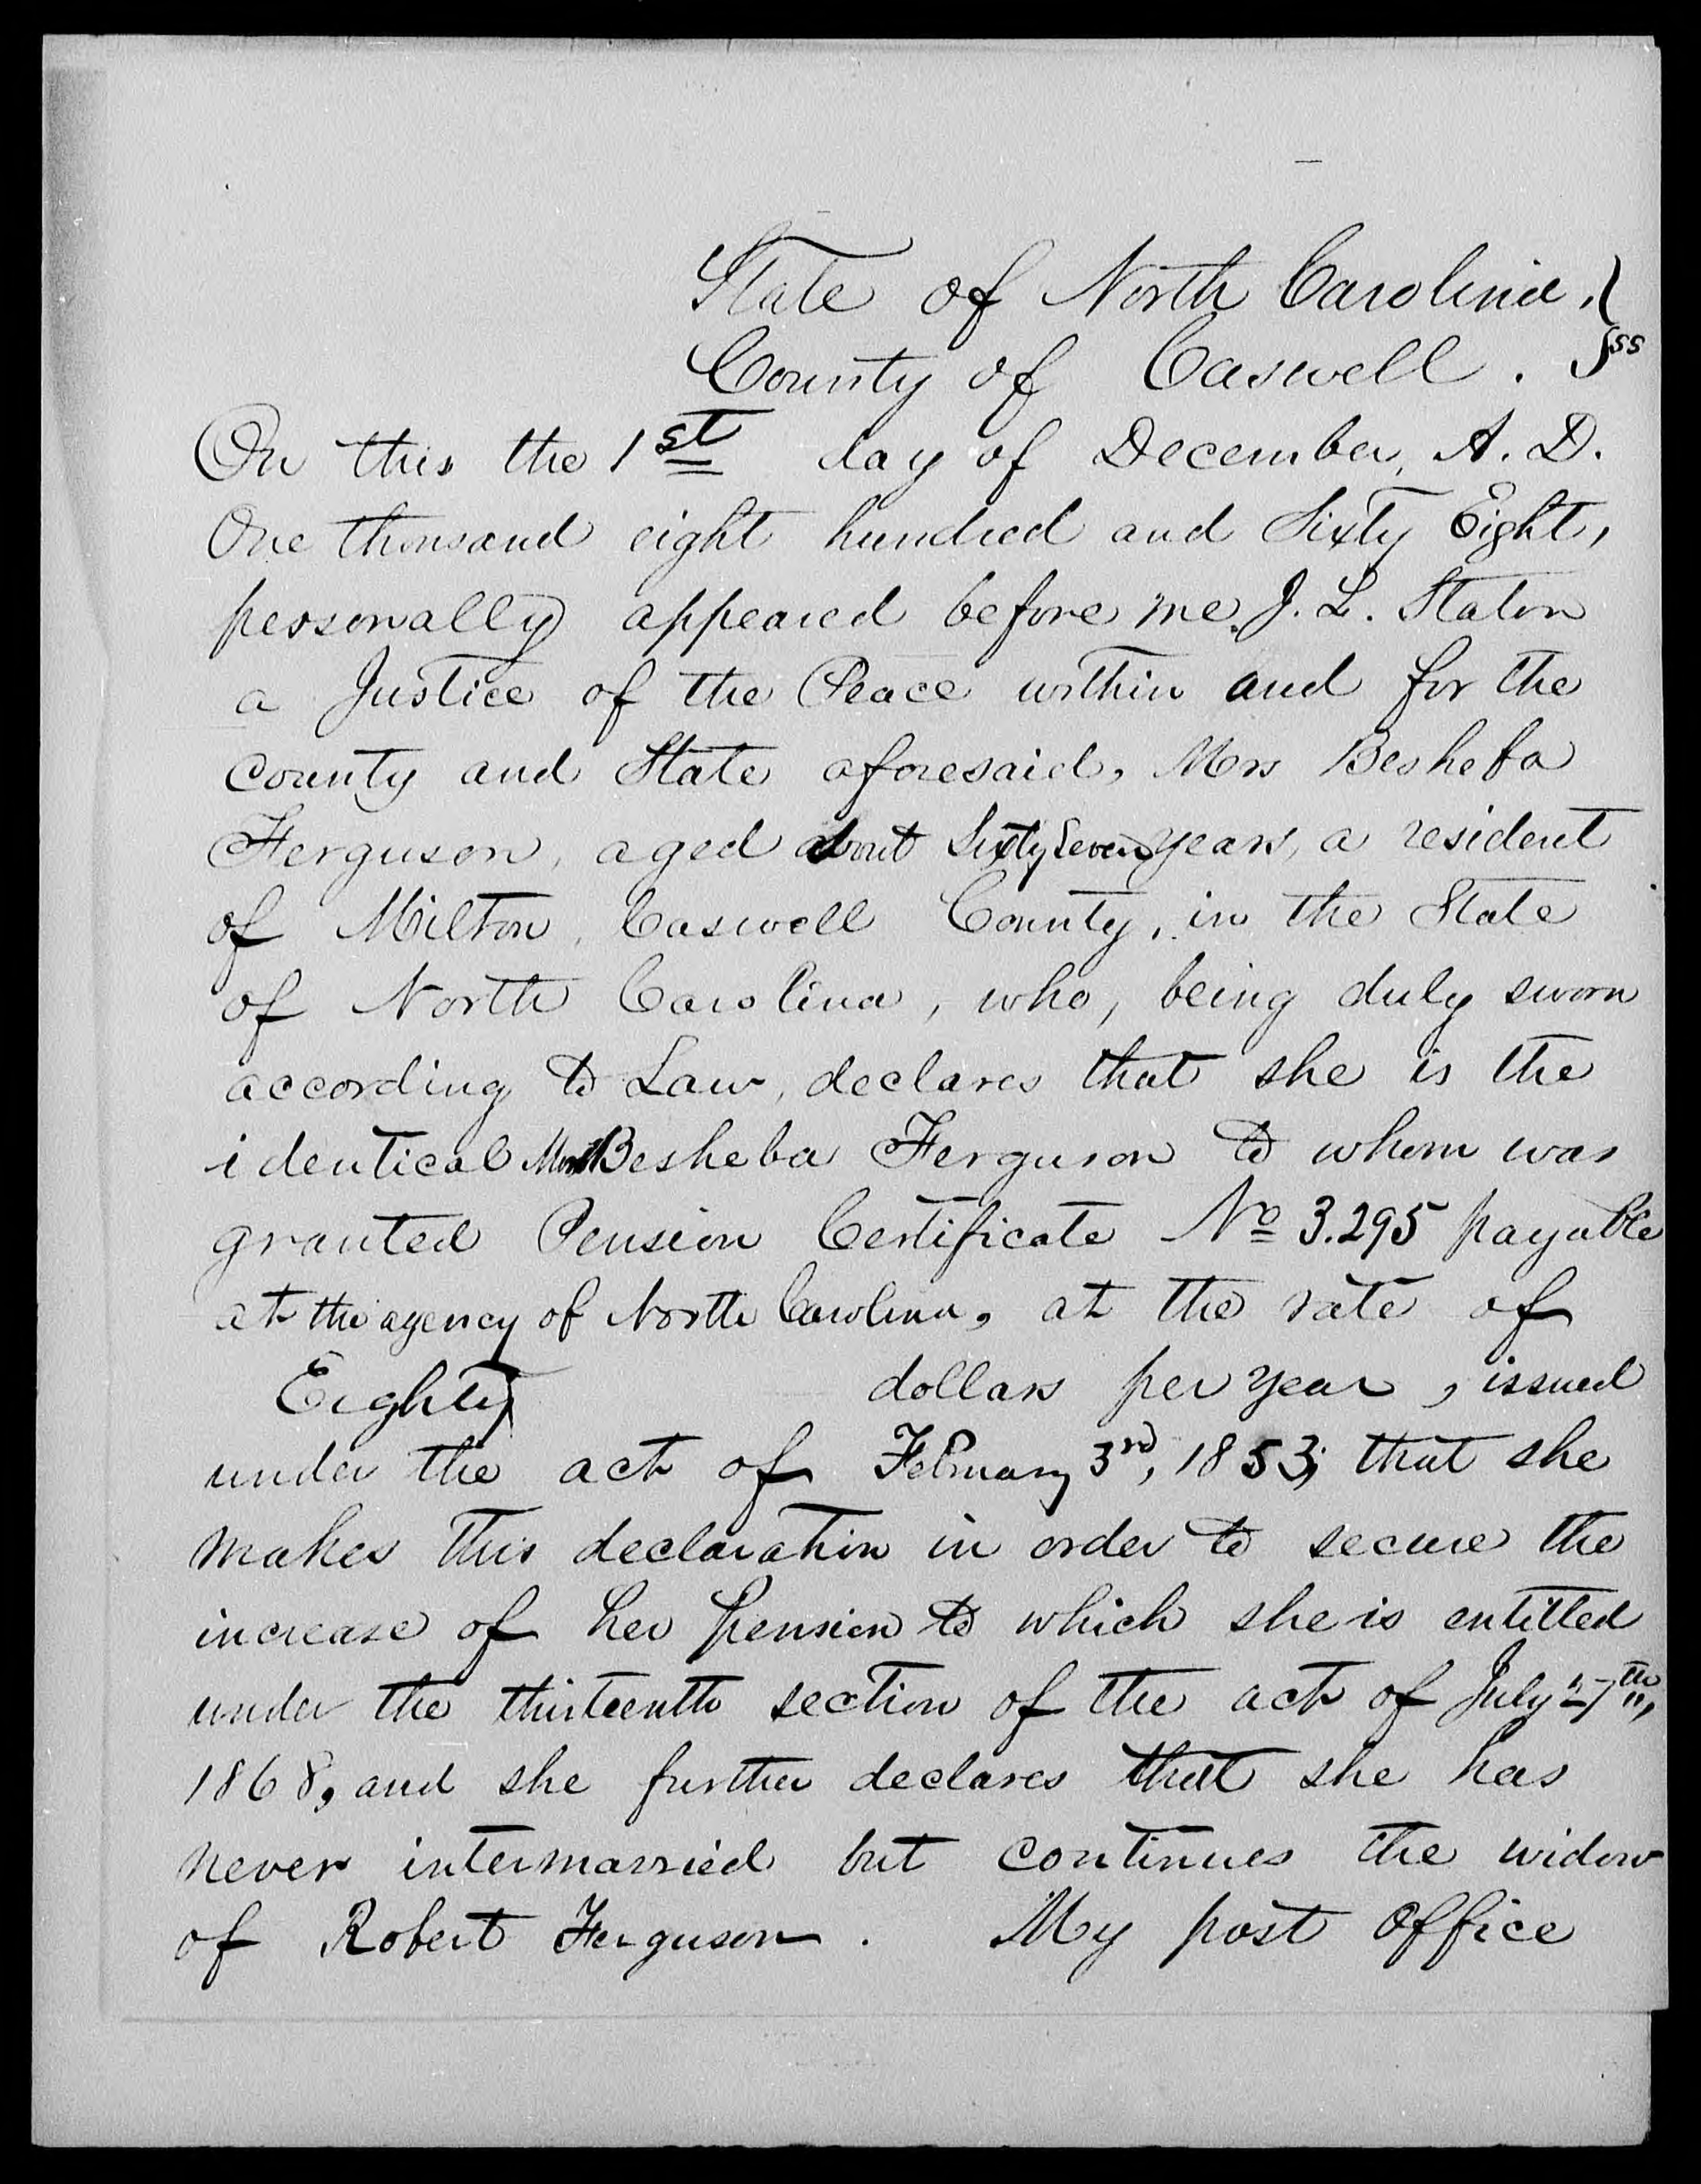State of North Carolina
County of Gaswell
On this hte 1st day of December A.D. One thousand eight hundred and Sixty Eight, personally appeared before me J.L. Staton a Justice of the Peace withing and for hte county and Stae aforesaid, Mrs Besheba Ferguson aged sixty seven years, a resident of Milton, Gaswell County, in the State of North Carolina, who, being duly sworn according to Law, declares that she is the identical Mrs Besheba Ferguson to whom was granted Pension Certificate No 3.295 payable at the agence of North Carolina, at the rate of Eighty dollars per year, issued under the act of February 3rd, 1853 that she makes this declaration in order to secure the increase of her pension to which she is entitled under the thirteenth section of the act of July 27th, 1868, and she further declares that she has never intermarried but cintinues the widow of Robert Ferguson . My post office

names: Besheba Ferguson, Besheba Ferguson, Robert Ferguson, J L Staton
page: 45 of 81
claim: widow's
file: W. 7262, Robert Ferguson, Va.